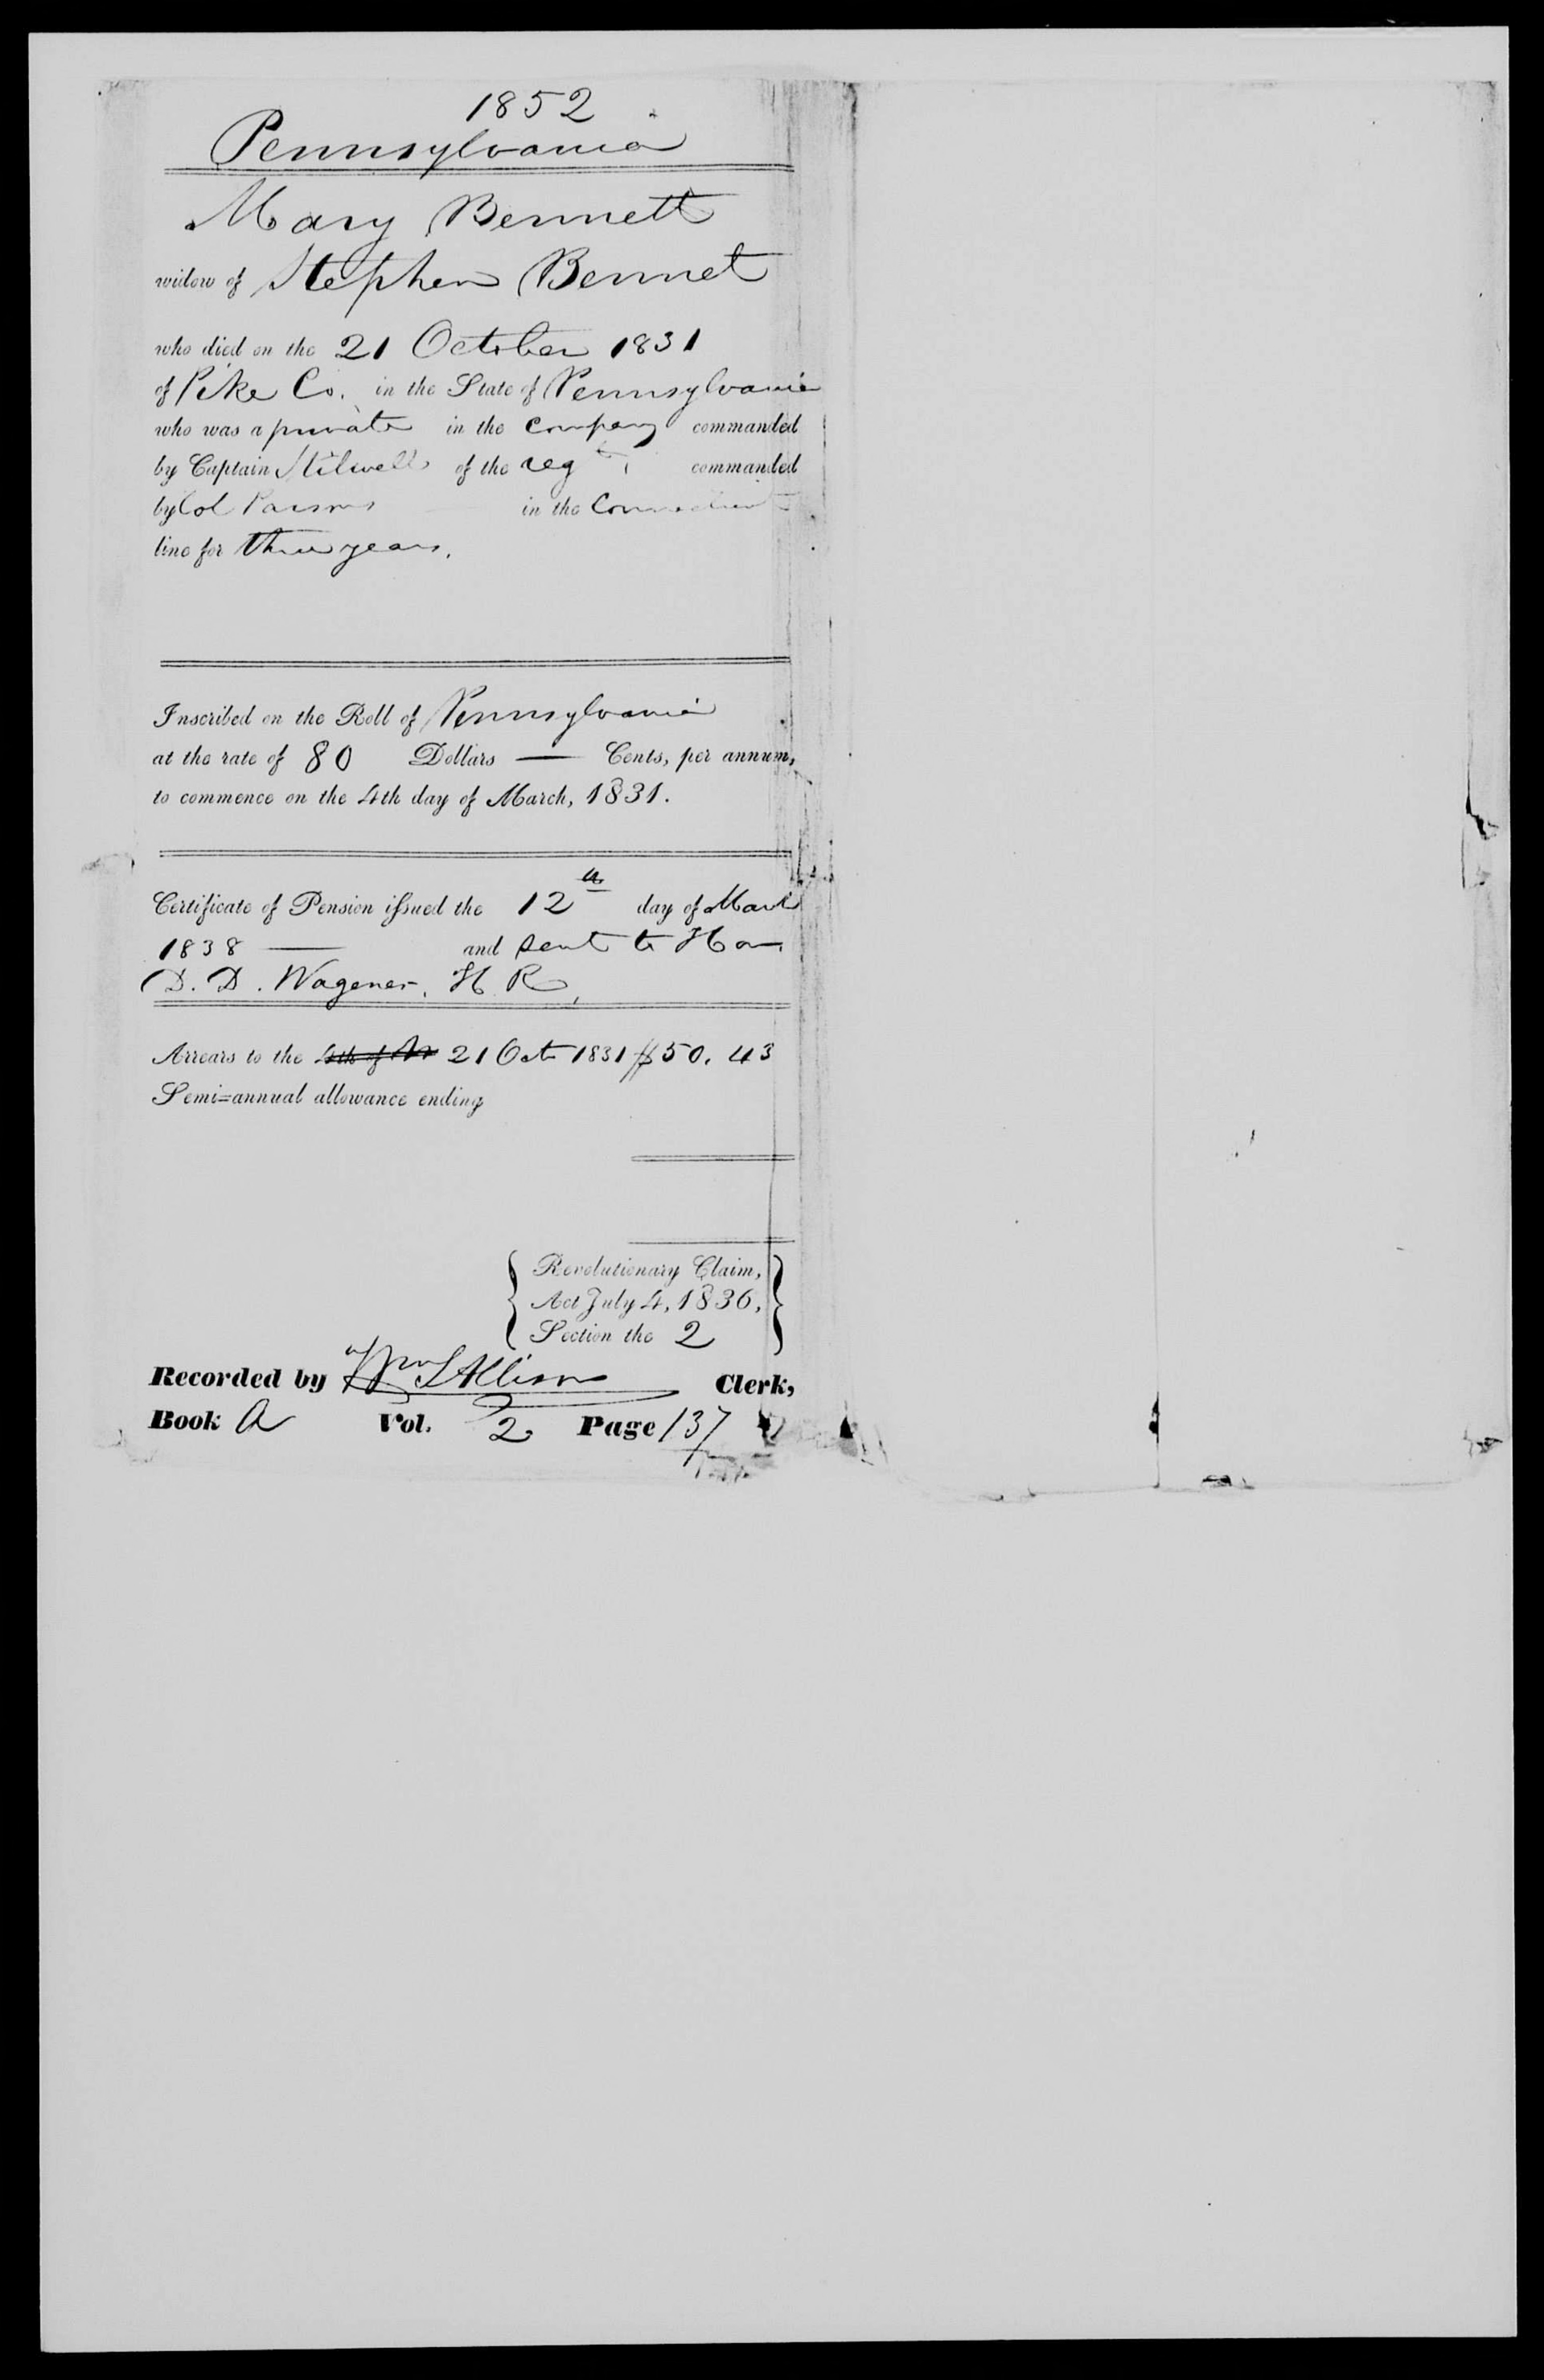1852
Pennsylvania
Mary Bennet widow of Stephen Bennet who died on the 21 October 1831 of Pike Co in the
State of Pennsylvania who was a private in the company commanded by Captain Stilwell of the regt commanded by Col Parsons in the Connecticut line for three years.

Inscribed on the Roll of Pennsylvania at the rate of 80 Dollars --- Cents per annum,
to commence on the 4th day of March, 1831.

Certificate of Pension issued the 12 day of March 1838 and sent to Hon D. D. Wagener, H.R.

Arrears to the 21 Oct 1831              $50.43
Semi-annual allowance ending

Revolutionary Claim, Act July 4, 1836 Section the 2

Recorded by Wm Allion Clerk,
Book A Vol. 2 Page 137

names: D D Wagener, Wm S Allion, Stilwell, Parsons, Mary Bennett, Stephen Bennet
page: 19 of 79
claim: widow's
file: W. 2,906, Stephen Bennet, Conn.